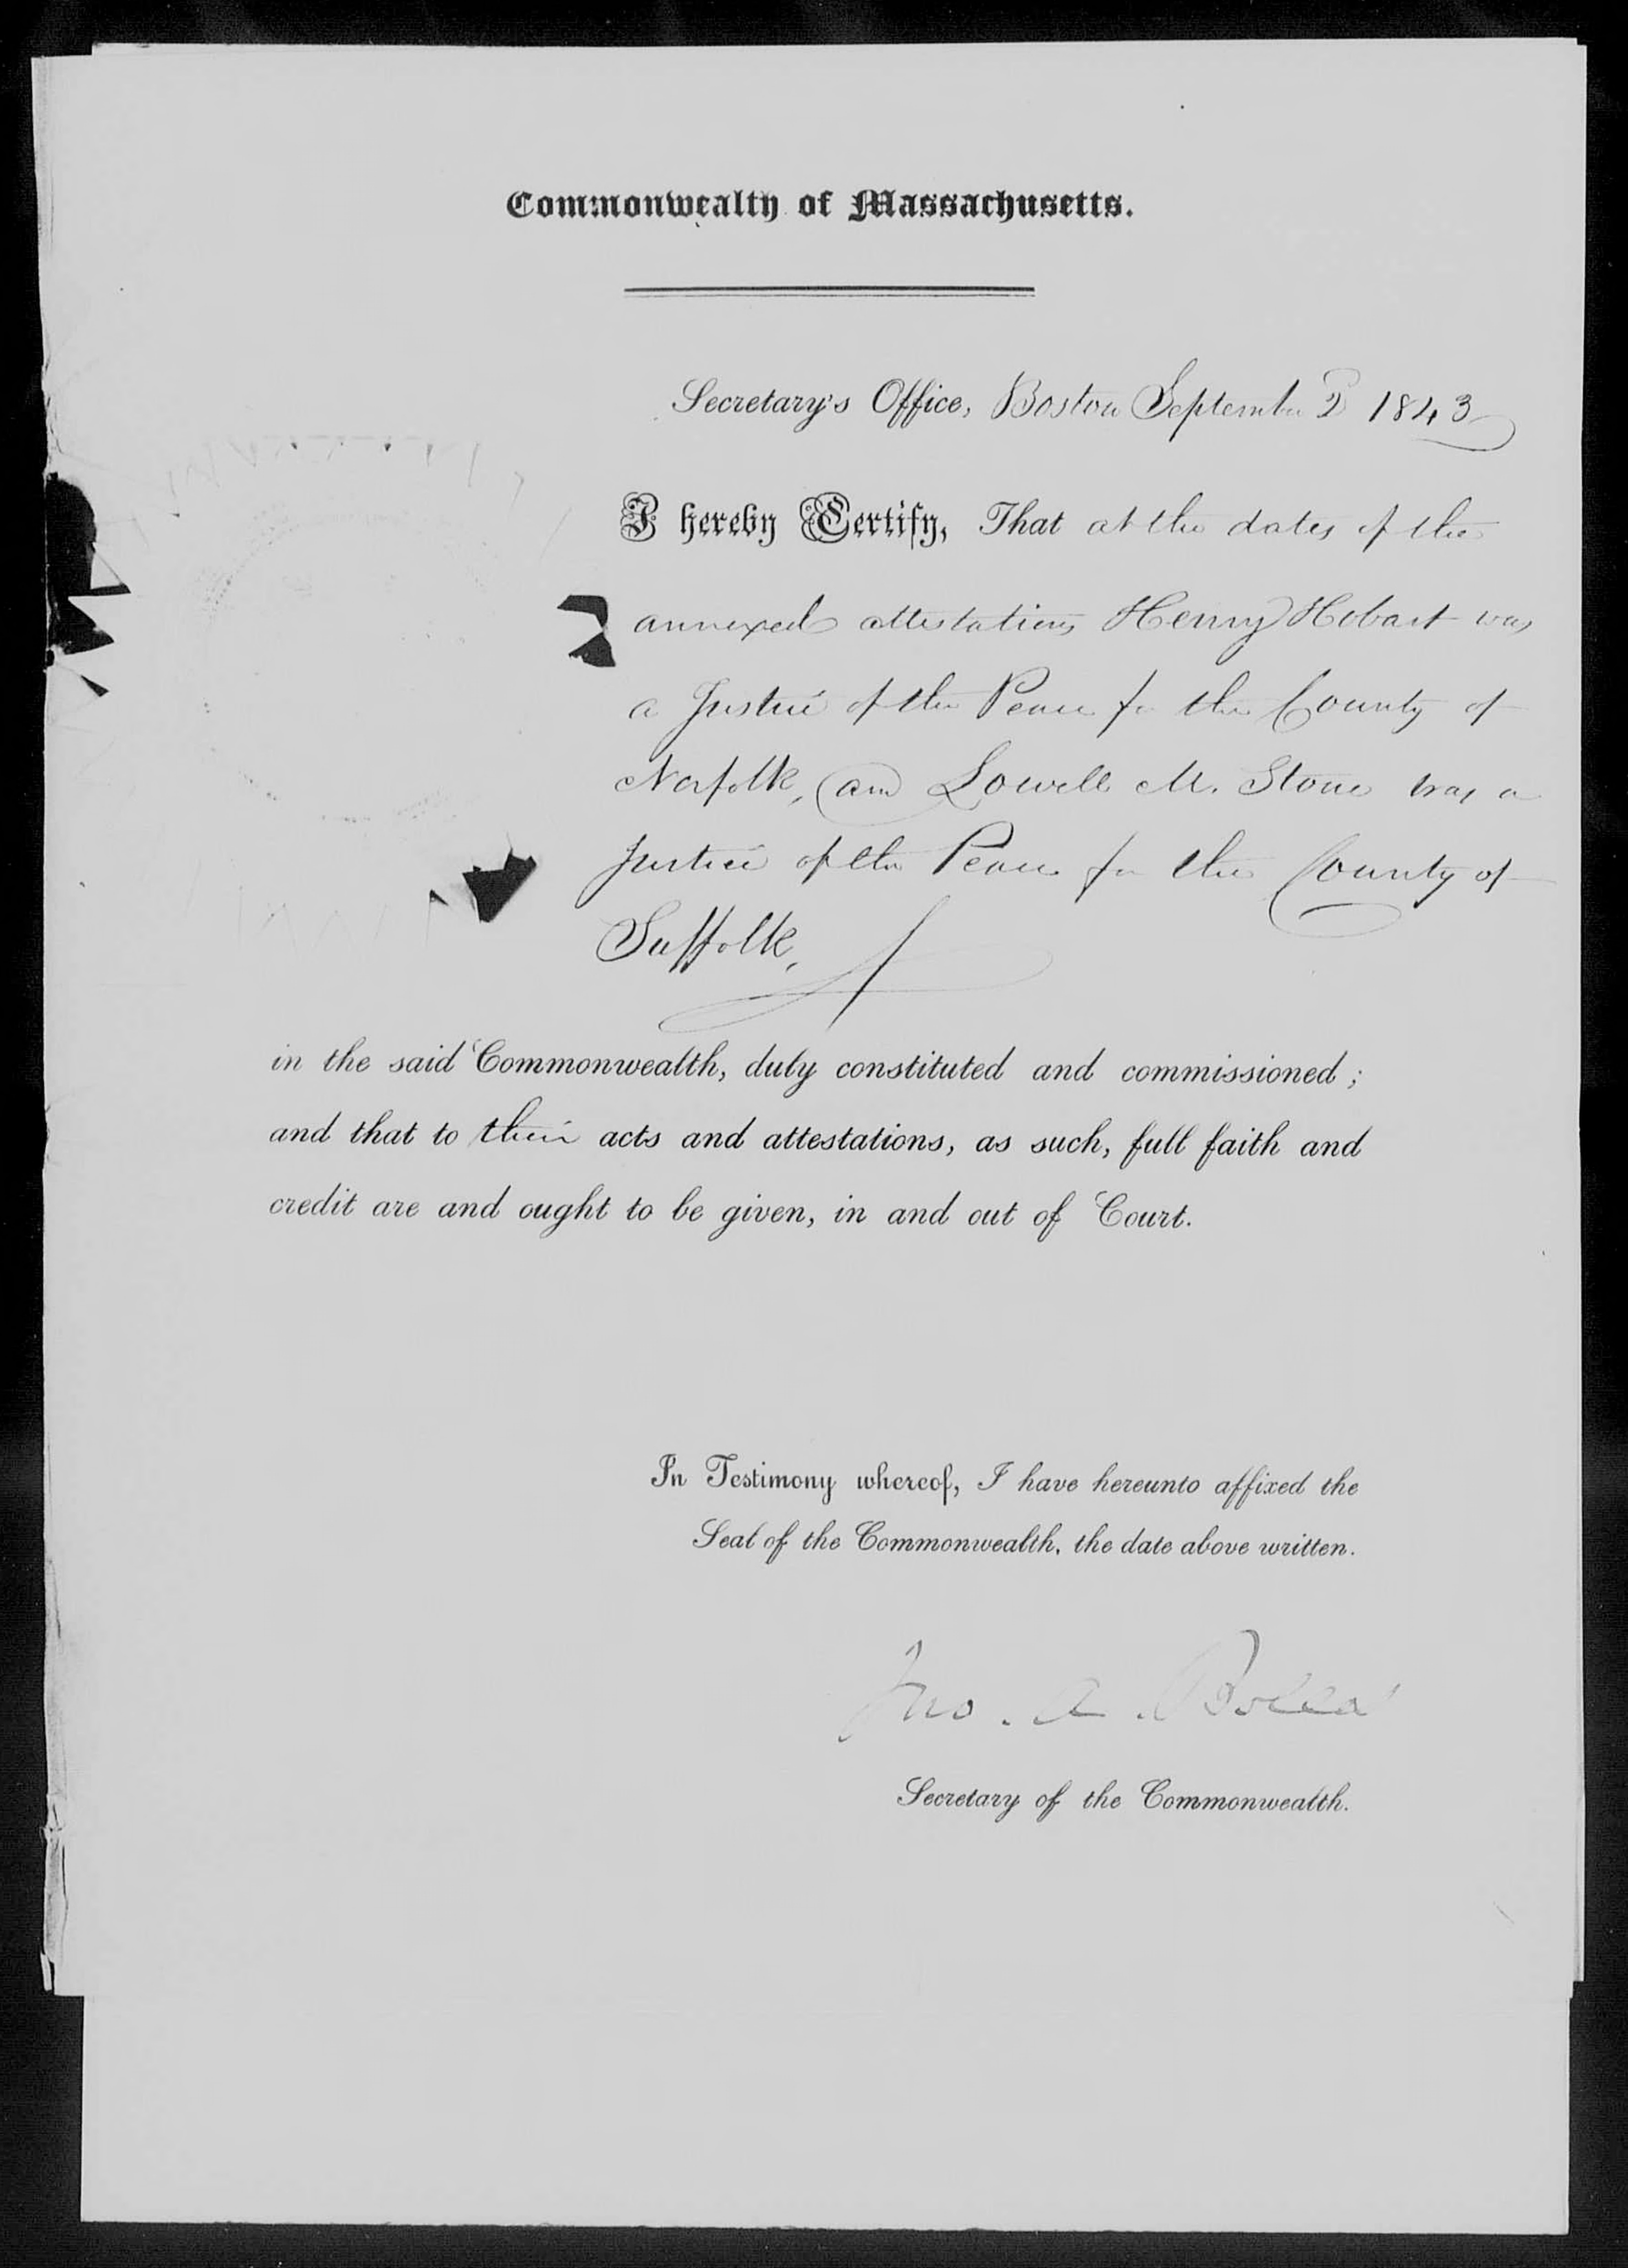Commonwealth of Massachusetts.
—————-
Secretary's Office, Boston September 2d 1843 

I hereby Certify, That at the dates of the annexed attestation, Henry Hobart was a Justice of the Peace for the County of Norfolk and Lowell M. Stone was a Justice of the Peace for the County of Suffolk in the said Commonwealth, duly constituted and commissioned; and that to their acts and attestations, as such, full faith and credit are and ought to be given, in and out of Court.

In Testimony whereof, I have hereunto affixed the Seal of the Commonwealth, the date above written. 

Jno. A. Bolles
Secretary of the Commonwealth.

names: Jno A Bolles, Lowell M Stone, Henry Hobart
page: 43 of 45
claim: widow's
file: W. 14,567, Oliver Comee, Mass.